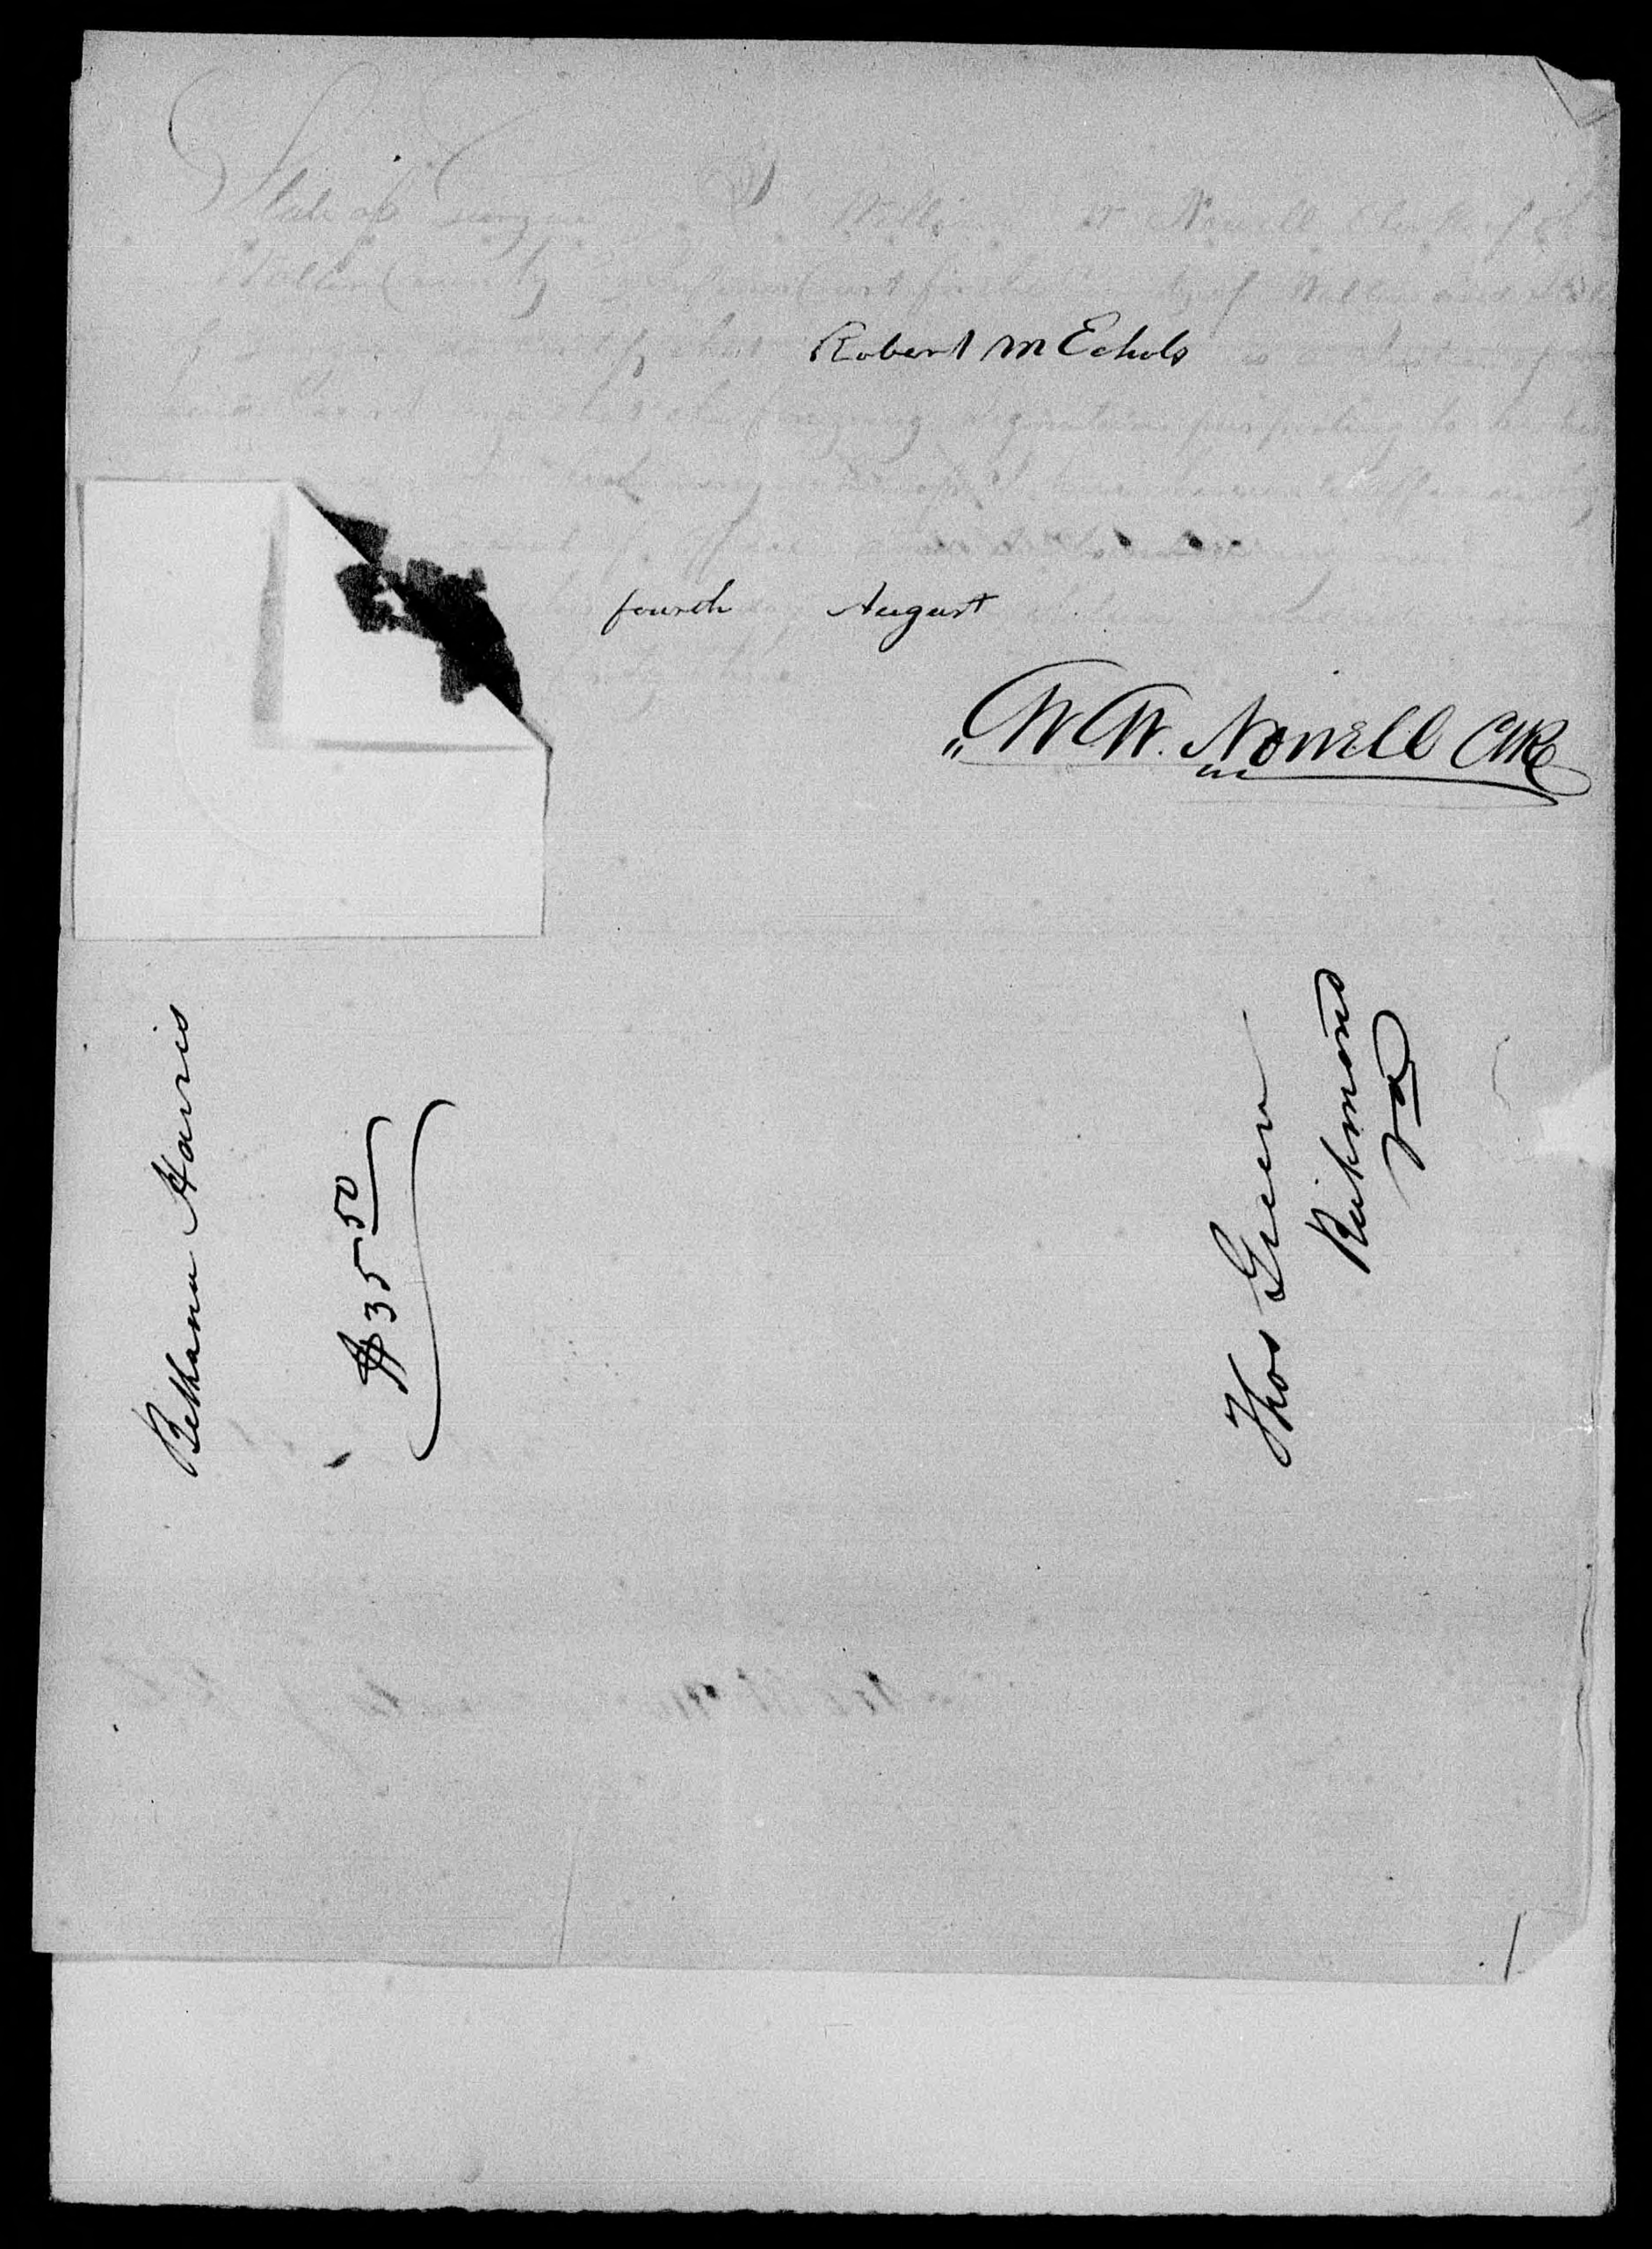State of Georgia 
I William W. Nowell of the Walton County Inferior Court for the County of Walton and State of Georgia certify that Robert M. Echols is a Justice of the Court of t

fourth of August 
W.W. Nowell clerk

Bethana Harris
$35.50

Thos Green
Richmond Va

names: Thos Green, W W Nowell, Bethana Harris, Robert M Echols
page: 40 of 62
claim: survivor's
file: S. 38816, Benjamin Harris, Mass.